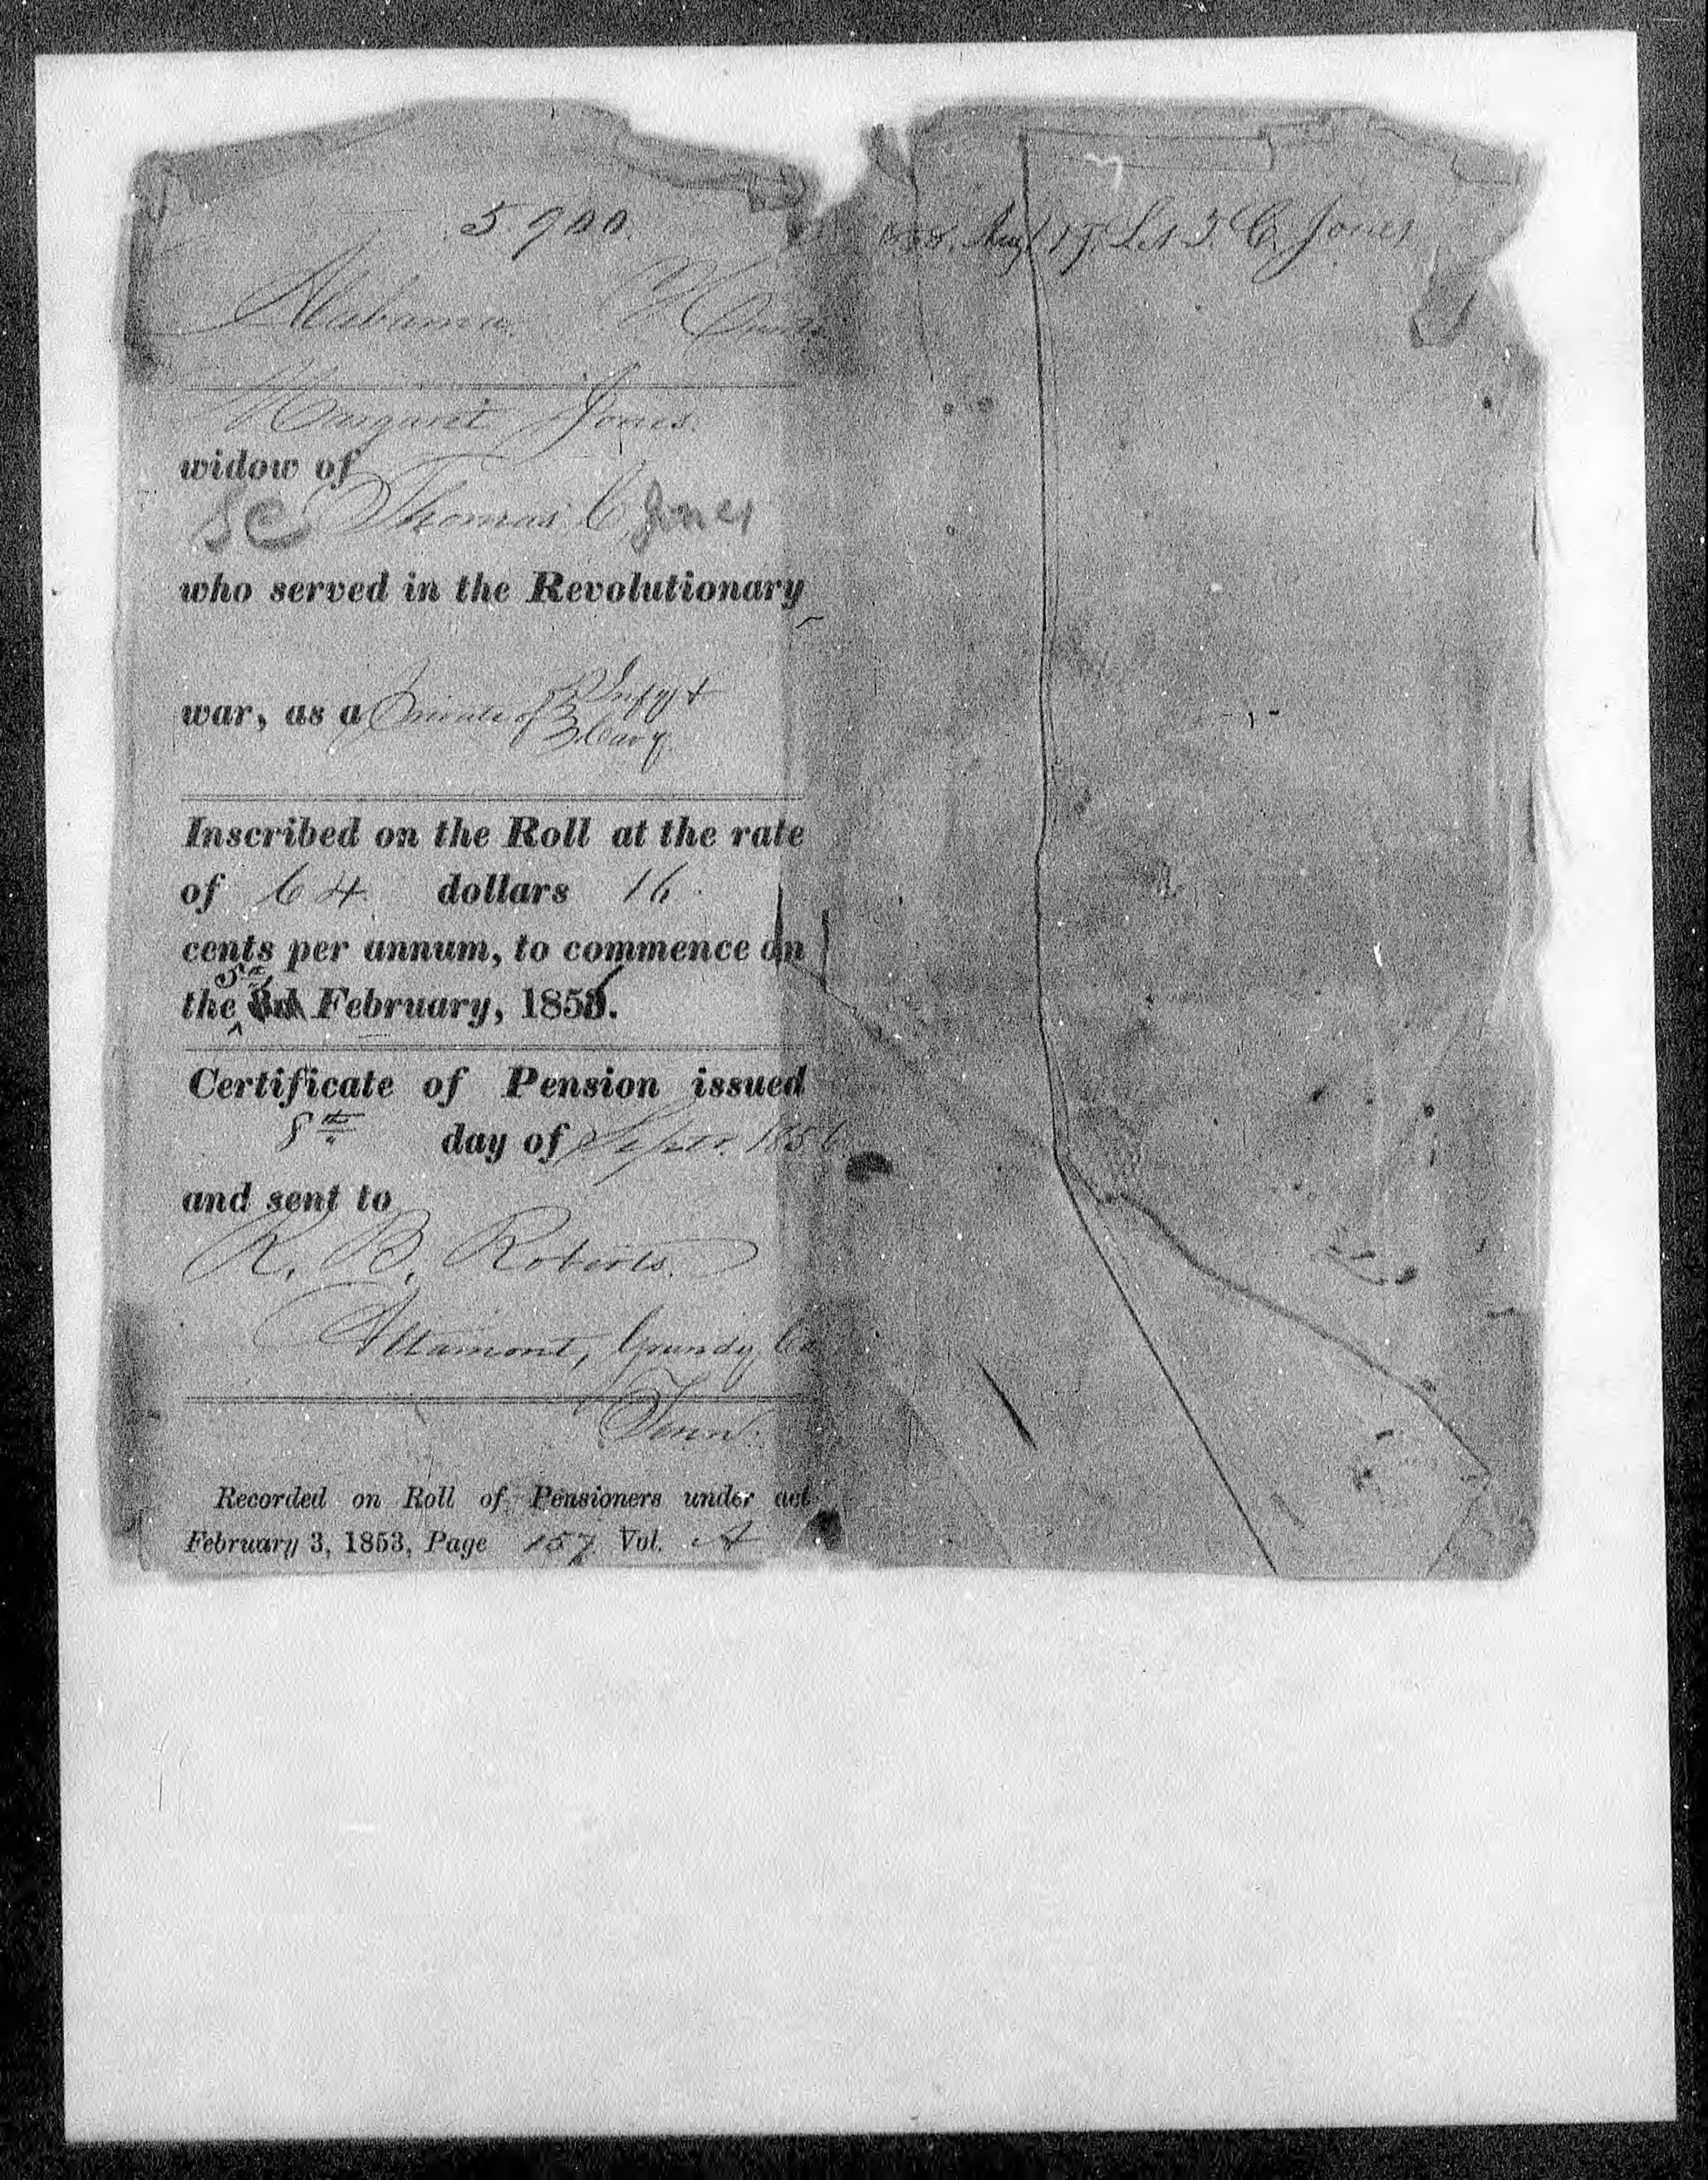5900   [paper torn and illegible] T. C. Jones
Alabama  [illegible]

Margaret Jones
widow of Thomas C Jones  
SC
who served in the Revolutionary 
war, as a private of [illegible]
Inscribed on the Roll at the rate 
of 64 dollars 16 
cents per annum, to commence on 
the 5th February, 1856.
Certificate of Pension issued
8th day of September 1856
and sent to 
R. B. Roberts
Altamont, Grundy Co.
Tenn

Recorded on Roll of Pensioners under act
February 3, 1853, Page 157 Vol A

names: Margaret Jones; Thomas C Jones; R B Roberts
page: 3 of 45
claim: widow's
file: W. 26160, for Thomas C Jones, Georgia